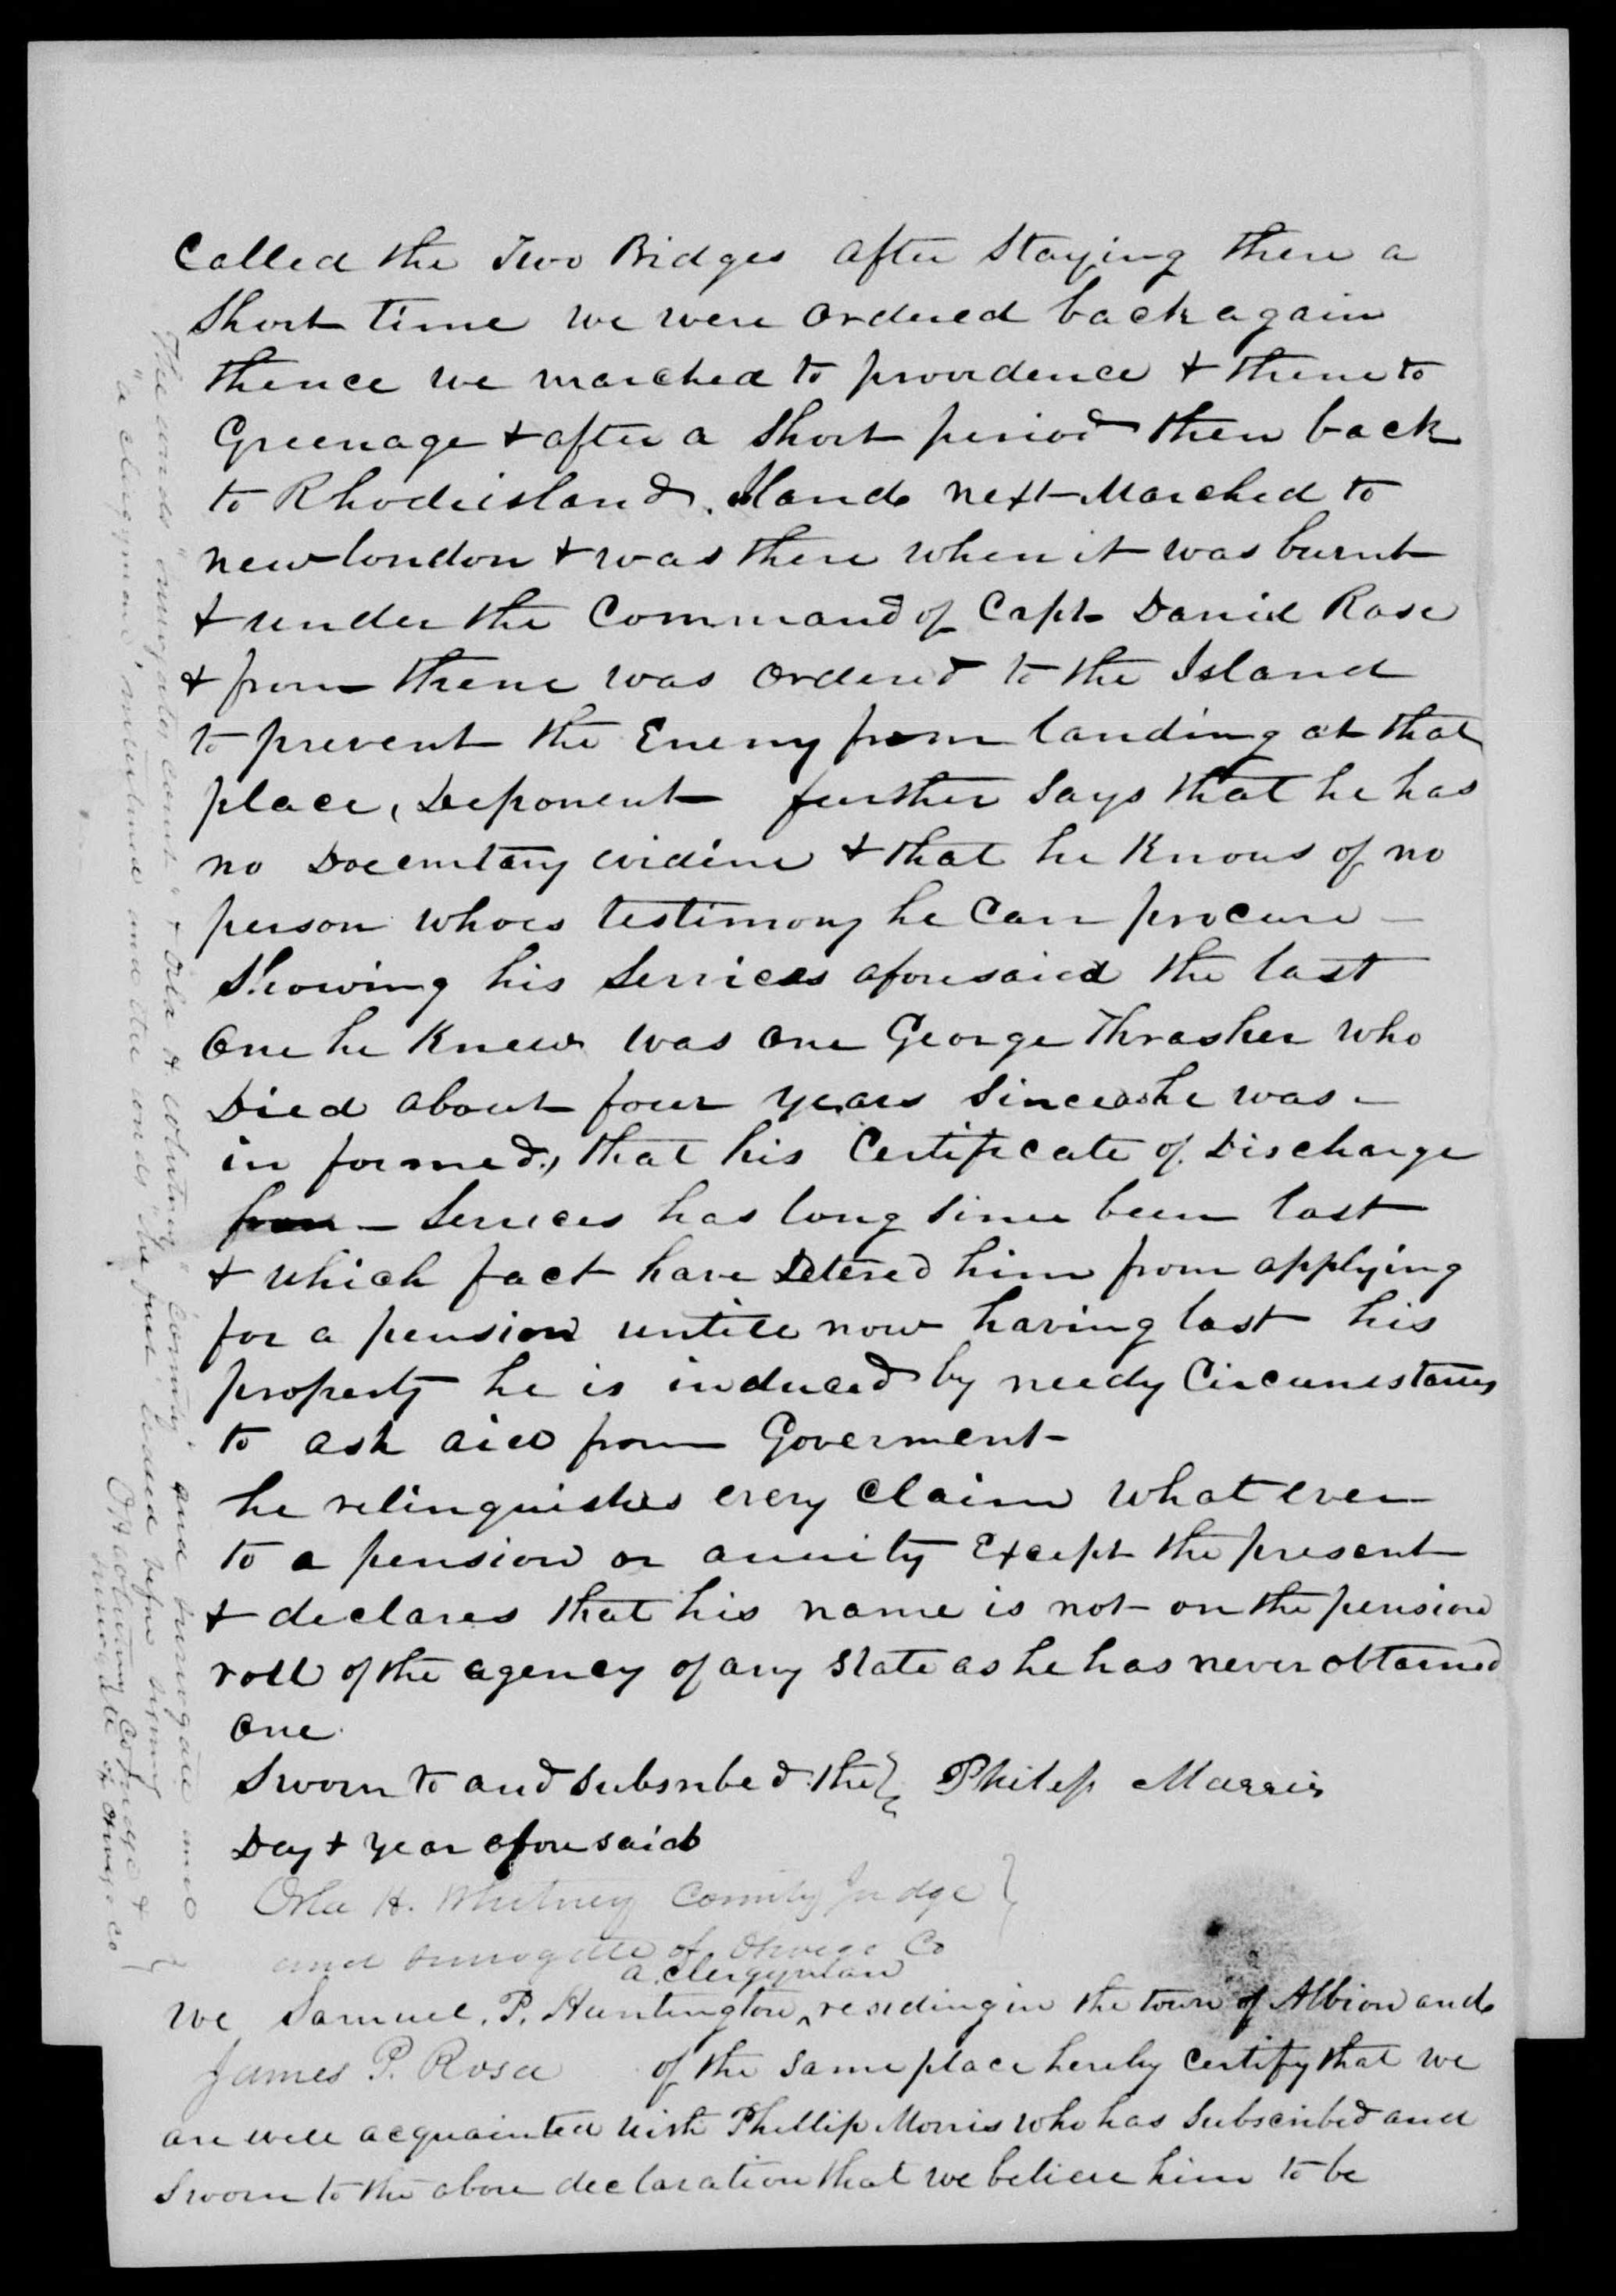[handwritten, continued from previous]

called the Two Bridges  after Staying there a Short time we were ordered back again thence we marched to providence & there to Greenage & after a Short period then back to Rhodeisland Island and next marched to New London & was there when it was burnt - & under the Command of Capt. Daniel Rose & from there was ordered to the Island to prevent the Enemy from landing at that place. Deponent further says that he has no Documentary evidence & that he knows of no person whoes testimony he can procure - Showing his Services aforesaid the last one he knew was one George Thrasher who Died about four years Since as he was - in formed., that his Certificate of Discharge from - Services has long since been lost & which fact have Detered him from applying for a pension until now having lost his property he is induced by needy Circumstances to ask aid from Government
he relinquishes every claim whatever to a pension or annuity Except the present & declares that his name is not on the pension roll of the agency of any State as he has ever obtained one.
Sworn to and Subscribed the day & year aforesaid}
[signed] Philip Morris
Orla H. Whitney county Judge and Surrogate of  Oswego Co
We Samuel P. Huntington ^a clergyman^ residing in the town of Albion and James P. Rosa (Rosen?) of the same place hereby certify that we are well acquainted with Phillip Morris who has Subscribed and Sworn to the above declaration that we believe him to be [continued next page]

[written along left side of page]
The words "surrogate court" & Orla H. Whitney" "county" and surrogate and "a clergyman" [illegible] and the words "the first" recorded before signing
O H Whitney Co Judge & surrogate of Oswego Co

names: Daniel Rose; James P Rosa; George Thrasher; Orla H Whitney; Samuel P Huntington; Philip Morris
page: 5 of 44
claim: survivor's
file: S. 28,815, for Philip Morris, Rhode Island